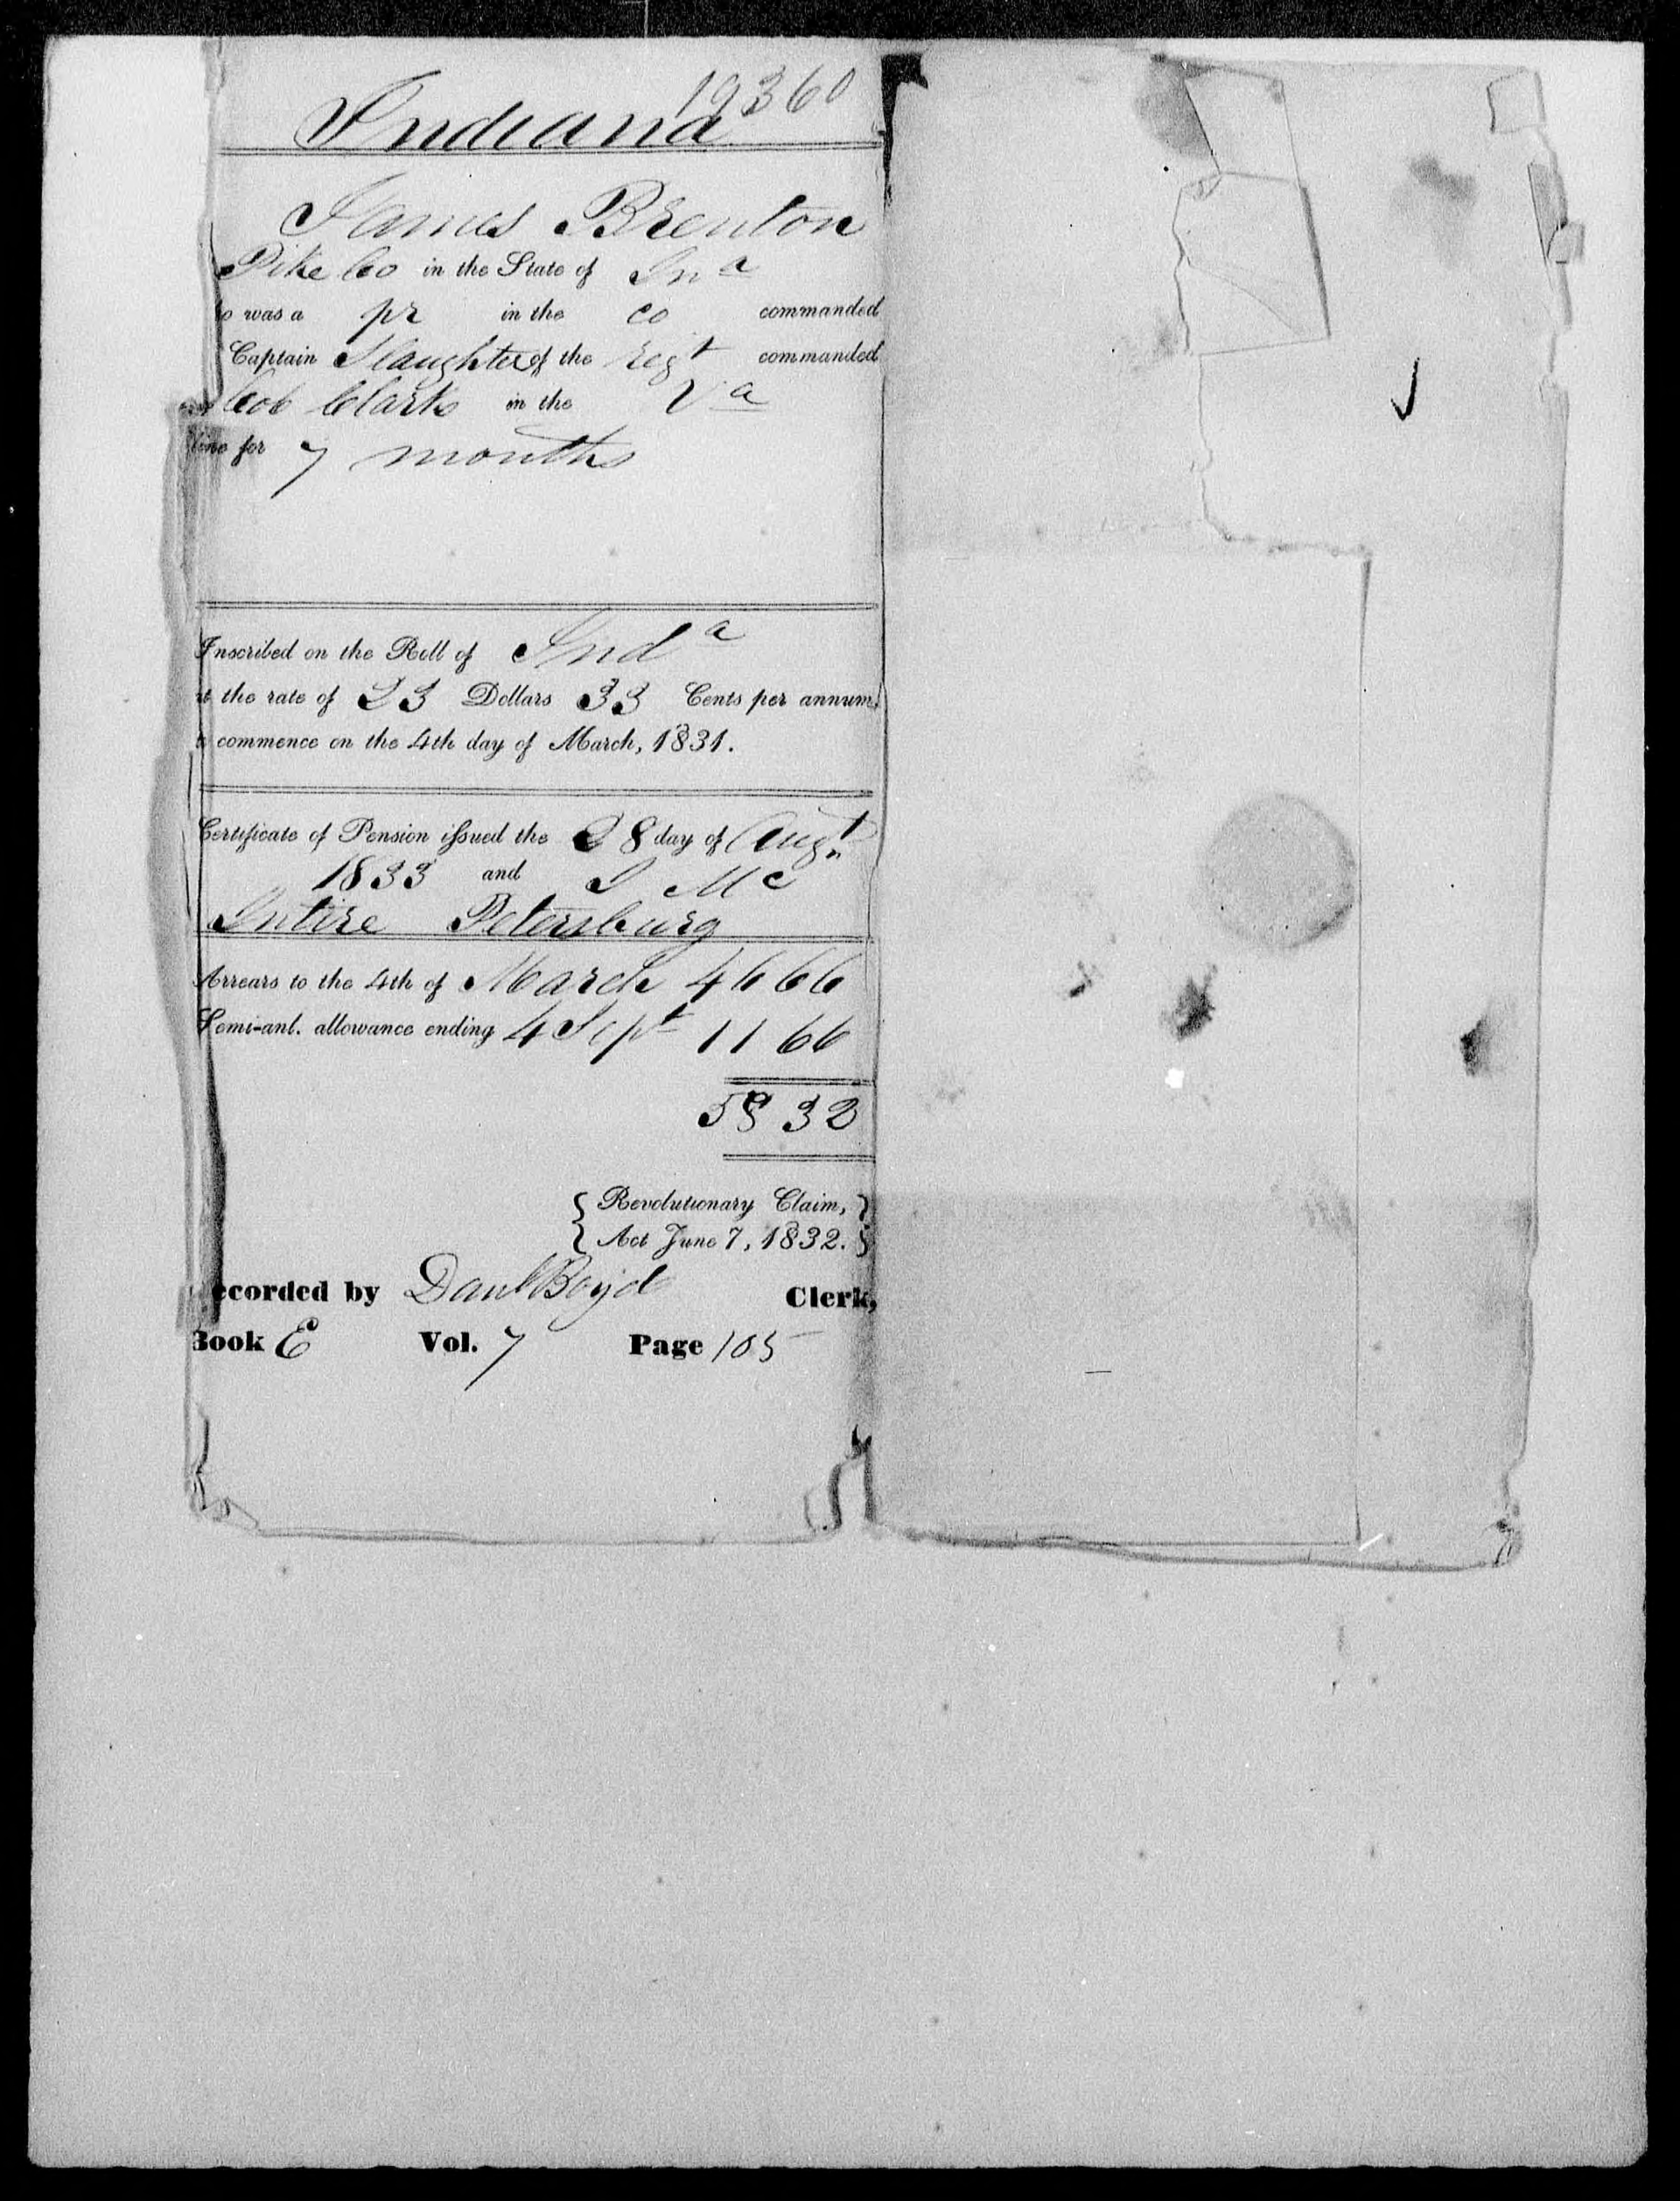Indiana 19360
James Brenton Pike Co in the State of Ind. was a pr in the co commanded by Captain Slaughter the Regt commanded by Col. Clark in the Va line for 7 months
Inscribed on the Roll of Ind. at the rate of 23 Dollars 33 Cents per annum to commence on the 4th day of March, 1831.
Certificate of Pension issued the 28th day of Augt. 1833 and J McIntire Petersburg
Arrears to the 4th of March  41.66
Semi-anl. allowance ending 4 Sept 11.66
58.32
Revolutionary Claim
Act June 7, 1832
Recorded by Danl. Boyd Clerk,
Book E Vol. 7 Page 105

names: Danl Boyd, James Brenton, J Mc Intire, Slaughter, Clark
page: 2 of 49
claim: widow's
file: W. 2518, James Brenton, Va.